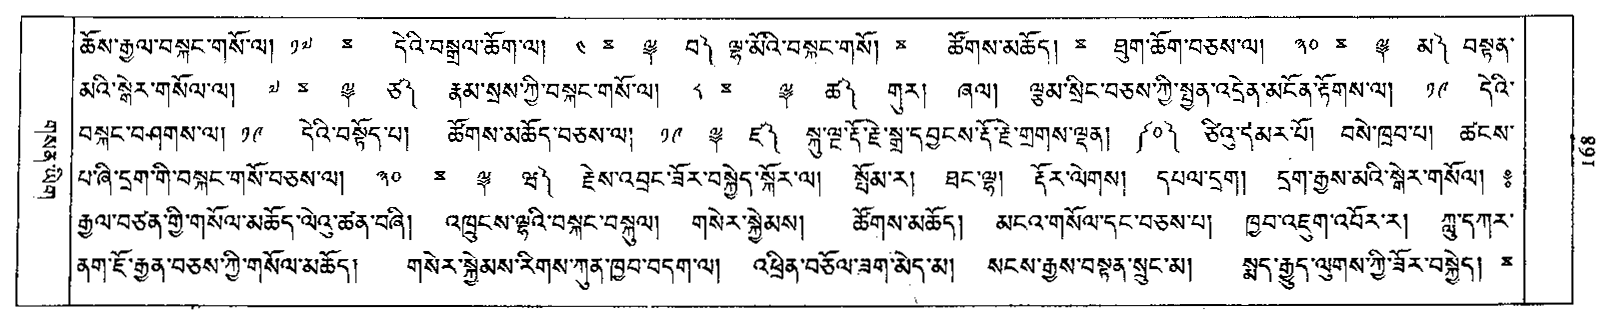ཆོས་རྒྱལ་བསྐང་གསོ་ལ། ༡༧་྾་དེའི་བསྒྲལ་ཆོག་ལ། ༤་྾་༈ བ྄་ལྷ་མོའི་བསྐང་གསོ། ྾་ཚོགས་མཆོད། ྾་ཐུག་ཆོག་བཅས་ལ། ༣༠་྾་༈ མ྄་བསྟན་
མའི་སྒེར་གསོལ་ལ། ༧་྾་༈ ཙ྄་རྣམ་སྲས་ཀྱི་བསྐང་གསོ་ལ། ༨་྾་༈ ཚ྄་གུར། ཞལ། ལྕམ་སྲིང་བཅས་ཀྱི་སྤྱན་འདྲེན་མངོན་རྟོགས་ལ། ༡༩་དེའི་
བསྐང་བཤགས་ལ། ༡༩་དེའི་བསྟོད་པ། ཚོགས་མཆོད་བཅས་ལ། ༡༩་༈ ཛ྄་སྐུ་ལྔ་རྡོ་རྗེ་སྒྲ་དབྱངས་རྡོ་རྗེ་གྲགས་ལྡན། ༠?་ཙིའུ་དམར་པོ། བསེ་ཁྲབ་པ། ཚངས་
པ་ཞི་དྲག་གི་བསྐང་གསོ་བཅས་ལ། ༣༠་྾་༈ ཝ྄་རྗེས་འབྲང་ཟོར་བསྐྱེད་སྐོར་ལ། སྤོམ་ར། ཐང་ལྷ། རྡོར་ལེགས། དཔལ་དྲག། དྲག་རྒྱས་མའི་སྒེར་གསོལ། H.
རྒྱལ་བཙན་གྱི་གསོལ་མཆོད་ལེའུ་ཚན་བཞི། འཁྲུངས་ལྷའི་བསྐང་བསྐུལ། གསེར་སྐྱེམས། ཚོགས་མཆོད། མངའ་གསོལ་དང་བཅས་པ། ཁྱབ་འཇུག་འབོར་ར། ཀླུ་དཀར་
ནག་ཇོ་རྒྱན་བཅས་ཀྱི་གསོལ་མཆོད། གསེར་སྐྱེམས་རིགས་ཀུན་ཁྱབ་བདག་ལ། འཕྲིན་བཅོལ་ཟག་མེད་མ། སངས་རྒྱས་བསྟན་སྲུང་མ། སྨད་རྒྱུད་ལུགས་ཀྱི་ཟོར་བསྐྱེད། ྾་